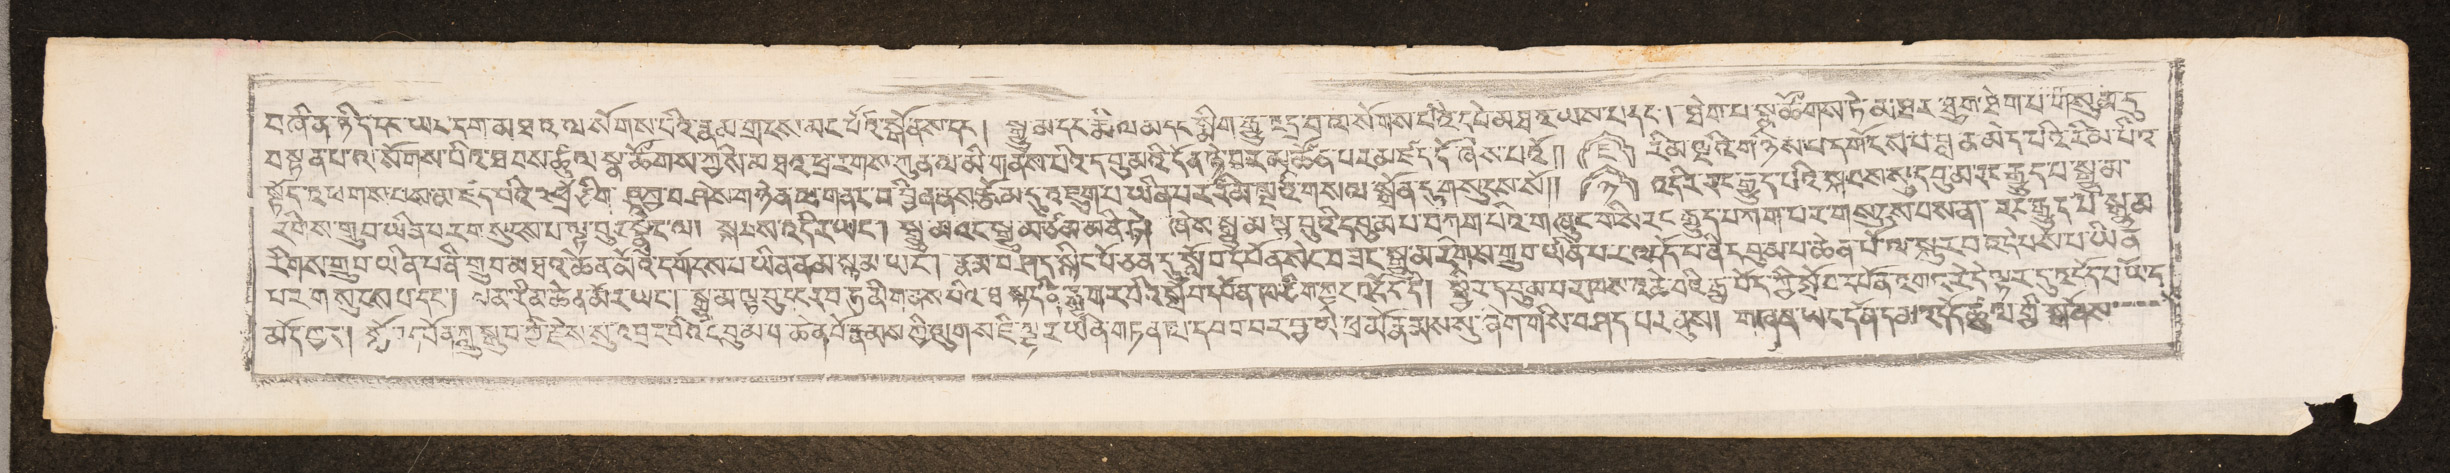བཞིན་ཉིད་དང་ཡང་དག་མཐའ་ལ་སོགས་པའི་རྣམ་གྲངས་མང་པོའི་སྒོ་ནས་དང་། སྒྱུ་མ་དང་རྨི་ལམ་དང་སྨིག་རྒྱུ་འདྲ་བ་ལ་སོགས་པའི་དཔེ་མཐའ་ཡས་པ་དང་། ཐེག་པ་སྣ་ཚོགས་ཏེ་མཐར་ཐུག་ཐེག་པ་གསུམ་དུ་
བསྟན་པ་ལ་སོགས་པའི་ཐབས་ཚུལ་སྣ་ཚོགས་ཀྱིས་མཐའ་ཕྲ་རགས་ཀུན་ལ་མི་གནས་པའི་དབུ་མའི་དོན་ཉེ་བར་མཚོན་པར་མཛད་དོ་ཞེས་པའོ།། ༼༽ཇ༼༽ རིམ་ལྔའི་གཉིས་པ་དགོངས་པ་བླ་ན་མེད་པའི་རིམ་པའི་
སྟོད་འཕགས་པས་མཛད་པའི་འཕྲོ་ཅིག་ཤྰྐྱ་བཤེས་གཉེན་ལ་གནང་བ་བྱིན་ནས་རྩོམ་དུ་འཇུག་པ་ཡིན་པར་རིམ་ལྔའི་གསལ་སྒྲོན་དུ་གསུངས་སོ།། ༼༽ཉ༼༽ འདིར་རང་རྒྱུད་བཀག་པར་གསུངས་པས་ན། རང་རྒྱུད་པ་སྒྱུ་མ་
རིགས་གྲུབ་ཡིན་པར་གསུངས་པ་ལྟར་བུར་སྣང་ལ། སྐབས་འདིར་ཡང་། སྒྱུ་མ་འང་སྒྱུ་མ་ཙམ་མིན་ཏེ། ཞེས་སྒྱུ་མ་ལྟ་བུའི་དབུ་མ་པ་བཀག་པའི་གཞུང་གིས་རང་གསུངས་པས་ན། རང་རྒྱུད་པ་སྒྱུ་མ་
རིགས་གྲུབ་ཡིན་པ་ནི་གྲུབ་མཐའ་ཆེན་མོའི་དགོངས་པ་ཡིན་ནམ་སྙམ་ཡང་། རྣམ་བཤད་སྙིང་པོ་ཅན་དུ་སློབ་དཔོན་སེང་བཟང་སྒྱུ་མ་རིགས་གྲུབ་ཡིན་པར་འདོད་པ་ནི་དབུ་མ་པ་ཆེན་པོ་ལ་སྐུར་བ་འདེབས་པ་ཡིན་
པར་གསུངས་པ་དང་། ལམ་རིམ་ཆེན་མོར་ཡང་། སྒྱུ་མ་ལྟ་བུ་དང་རབ་ཏུ་མི་གནས་པའི་ཐ་སྙད་ནི་རྒྱུ་གར་བའི་སློབ་དཔོན་ཁ་ཅིག་ཀྱང་འདོད་དེ། སྤྱིར་དབུ་མ་པར་ཁས་འཆེ་བའི་རྒྱ་བོད་ཀྱི་སློབ་དཔོན་འགའ་རེ་དེ་ལྟར་དུ་འདོད་པ་ཡོད་
མོད་ཀྱང་། སློབ་དཔོན་ཀླུ་སྒྲུབ་ཀྱི་རྗེས་སུ་འབྲང་བའི་དབུ་མ་བ་ཆེན་པོ་རྣམས་ཀྱི་ལུགས་ཇི་ལྟར་ཡིན་གཏན་ལ་དབབ་པར་བྱ་ཡི་ཕྲ་མོ་རྣམས་སུ་ཞིག་གིས་བཤད་པར་ནུས། གཞན་ཡང་དོན་དམ་འདོད་ཚུལ་གྱི་སྒོ་ནས་